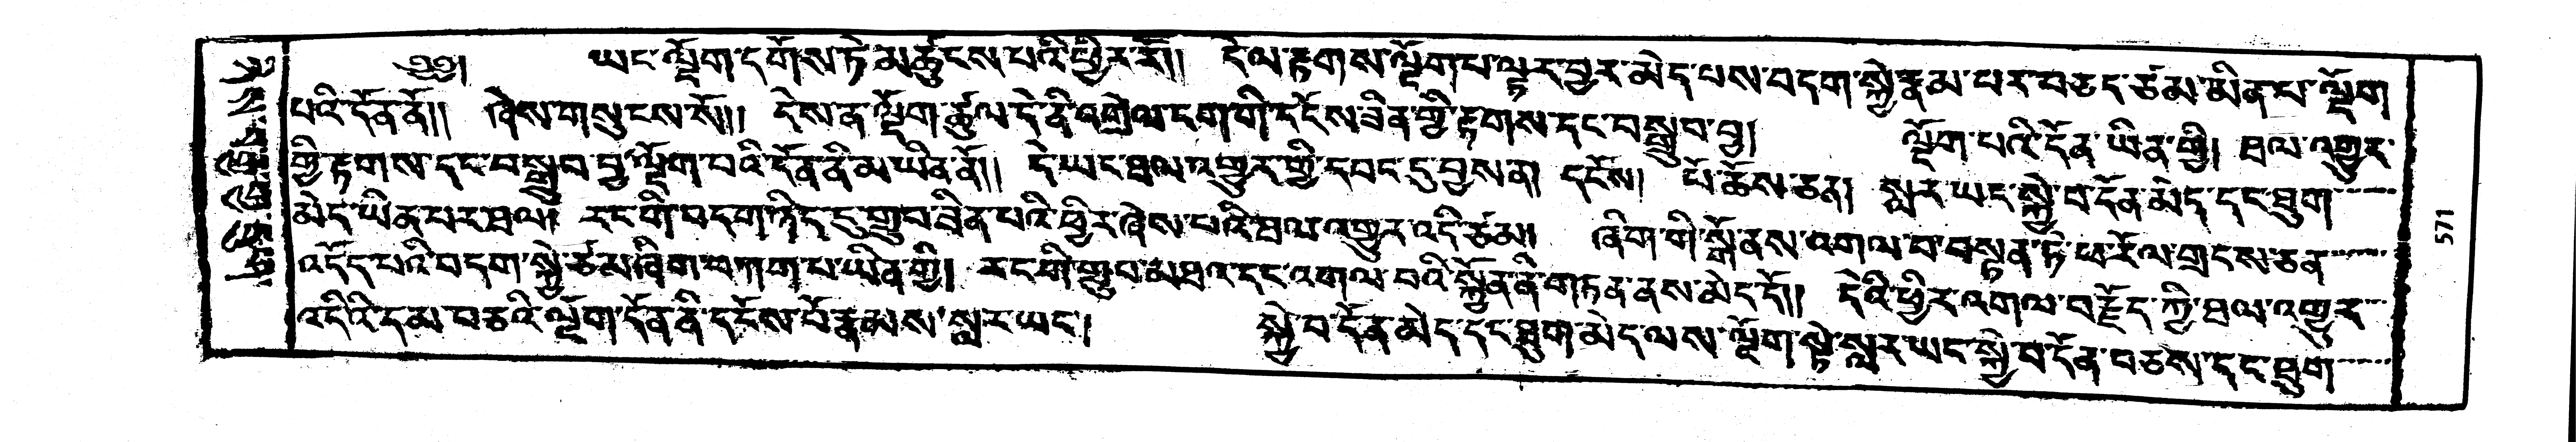༄༅། །ཡང་ལྡོག་དགོས་ཏེ་མཚུངས་པའི་ཕྱིར་རོ།། དེ་ལ་རྟགས་ལྡོག་པ་ལྟར་བྱར་མེད་པས་བདག་སྐྱེ་རྣམ་པར་བཅད་ཙམ་མིན་པ་ལྡོག་
པའི་དོན་ནོ།། ཞེས་གསུངས་སོ།། དེས་ན་ལྡོག་ཚུལ་དེ་ནི་འགྲེལ་ངག་གི་དངོས་ཟིན་གྱི་རྟགས་དང་བསྒྲུབ་བྱ། ལྡོག་པའི་དོན་ཡིན་གྱི། ཐལ་འགྱུར་
གྱི་རྟགས་དང་བསྒྲུབ་བྱ་ལྡོག་པའི་དོན་ནི་མ་ཡིན་ནོ།། དེ་ཡང་ཐལ་འགྱུར་གྱི་དབང་དུ་བྱས་ན། དངོས། པོ་ཆོས་ཅན། སླར་ཡང་སྐྱེ་བ་དོན་མེད་དང་ཐུག་
མེད་ཡིན་པར་ཐལ། རང་གི་བདག་ཉིད་དུ་གྲུབ་ཟིན་པའི་ཕྱིར་ཞེས་པའི་ཐལ་འགྱུར་འདི་ཙམ། ཞིག་གི་སྒོ་ནས་འགལ་བ་བསྟན་ཏེ་ཕ་རོལ་གྲངས་ཅན་
འདོད་པའི་བདག་སྐྱེ་ཙམ་ཞིག་བཀག་པ་ཡིན་གྱི། རང་གི་གྲུབ་མཐའ་དང་འགལ་བའི་སྐྱོན་ནི་གཏན་ནས་མེད་དོ།། དེའི་ཕྱིར་འགལ་བརྗོད་ཀྱི་ཐལ་འགྱུར་
འདིའི་དམ་བཅའི་ལྡོག་དོན་ནི་དངོས་པོ་རྣམས་སླར་ཡང་། སྐྱེ་བ་དོན་མེད་དང་ཐུག་མེད་ལས་ལྡོག་སྟེ་སླར་ཡང་སྐྱེ་བ་དོན་བཅས་དང་ཐུག་